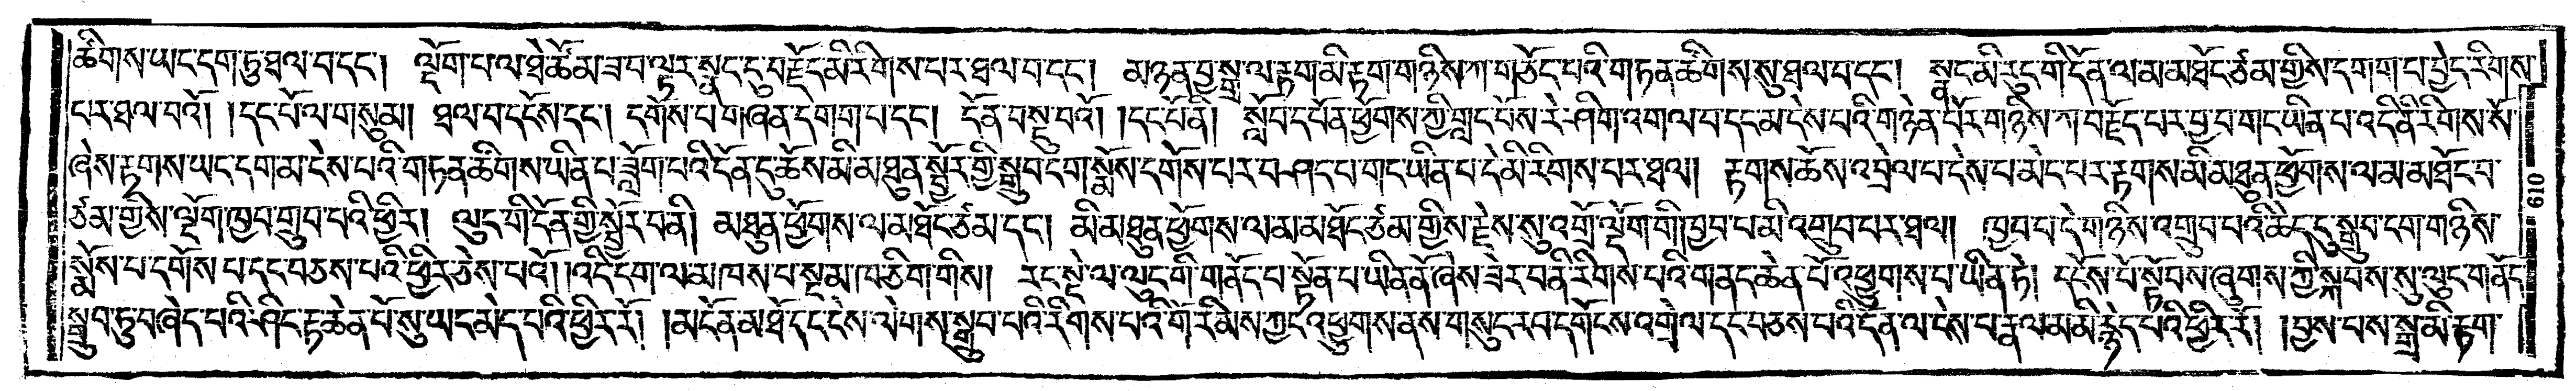ཚིགས་ཡང་དག་ཏུ་ཐལ་བ་དང་། ལྡོག་པ་ལ་ཐེ་ཚོམ་ཟ་བ་ལྟར་སྣང་དུ་བརྗོད་མི་རིགས་པར་ཐལ་བ་དང་། མཉན་བྱ་སྒྲ་ལ་རྟག་མི་རྟག་གཉིས་ཀ་གཅོད་པའི་གཏན་ཚིགས་སུ་ཐལ་བ་དང་། སྣང་མི་རུང་གི་དོན་ལ་མ་མཐོང་ཙམ་གྱིས་དགག་པ་བྱེད་རིགས་
པར་ཐལ་བའོ། །དང་པོ་ལ་གསུམ། ཐལ་བ་དངོས་དང་། དགོས་པ་གཞན་དགག་པ་དང་། དོན་བསྡུ་བའོ། །དང་པོ་ནི། སློབ་དཔོན་ཕྱོགས་ཀྱི་གླང་པོས་རེ་ཤིག་འགལ་བ་དང་མ་ངེས་པའི་གཉེན་པོར་གཉིས་ཀ་བརྗོད་པར་བྱ་བ་གང་ཡིན་པ་འདི་ནི་རིགས་སོ་
ཞེས་རྟགས་ཡང་དག་མ་ངེས་པའི་གཏན་ཚིགས་ཡིན་པ་ཟློག་པའི་དོན་དུ་ཆོས་མི་མཐུན་སྦྱོར་གྱི་སྒྲུབ་ངག་སྨོས་དགོས་པར་བཤད་པ་གང་ཡིན་པ་དེ་མི་རིགས་པར་ཐལ། རྟགས་ཆོས་འབྲེལ་པ་ངེས་པ་མེད་པར་རྟགས་མི་མཐུན་ཕྱོགས་ལ་མ་མཐོང་བ་
ཙམ་གྱིས་ལྡོག་ཁྱབ་གྲུབ་པའི་ཕྱིར། ལུང་གི་དོན་གྱི་སྦྱོར་བ་ནི། མཐུན་ཕྱོགས་ལ་མཐོང་ཙམ་དང་། མི་མཐུན་ཕྱོགས་ལ་མ་མཐོང་ཙམ་གྱིས་རྗེས་སུ་འགྲོ་ལྡོག་གི་ཁྱབ་པ་མི་འགྲུབ་པར་ཐལ། ཁྱབ་པ་དེ་གཉིས་འགྲུབ་པའི་ཆེད་དུ་སྒྲུབ་ངག་གཉིས་
སྨོས་པ་དགོས་པ་དང་བཅས་པའི་ཕྱིར་ཅེས་པའོ། །འདི་དག་ལ་མཁས་པ་སྔ་མ་ཁ་ཅིག་གིས། རང་སྡེ་ལ་ལུང་གི་གནོད་པ་སྟོན་པ་ཡིན་ནོ་ཞེས་ཟེར་བ་ནི་རིགས་པའི་གནད་ཆེན་པོ་འཕྱུགས་པ་ཡིན་ཏེ། དངོས་པོ་སྟོབས་ཞུགས་ཀྱི་སྐབས་སུ་ལུང་གནོད་
སྒྲུབ་ཏུ་བཞེད་པའི་ཤིང་རྟ་ཆེན་པོ་སུ་ཡང་མེད་པའི་ཕྱིར་རོ། །མངོན་མཐོ་དང་ངེས་ལེགས་སྒྲུབ་པའི་རིགས་པའི་གོ་རིམས་ཀྱང་འཕྱུགས་ནས་གསུང་རབ་དགོངས་འགྲེལ་དང་བཅས་པའི་དོན་ལ་ངེས་པ་རྣལ་མ་མི་རྙེད་པའི་ཕྱིར། །བྱས་པས་སྒྲ་མི་རྟག་